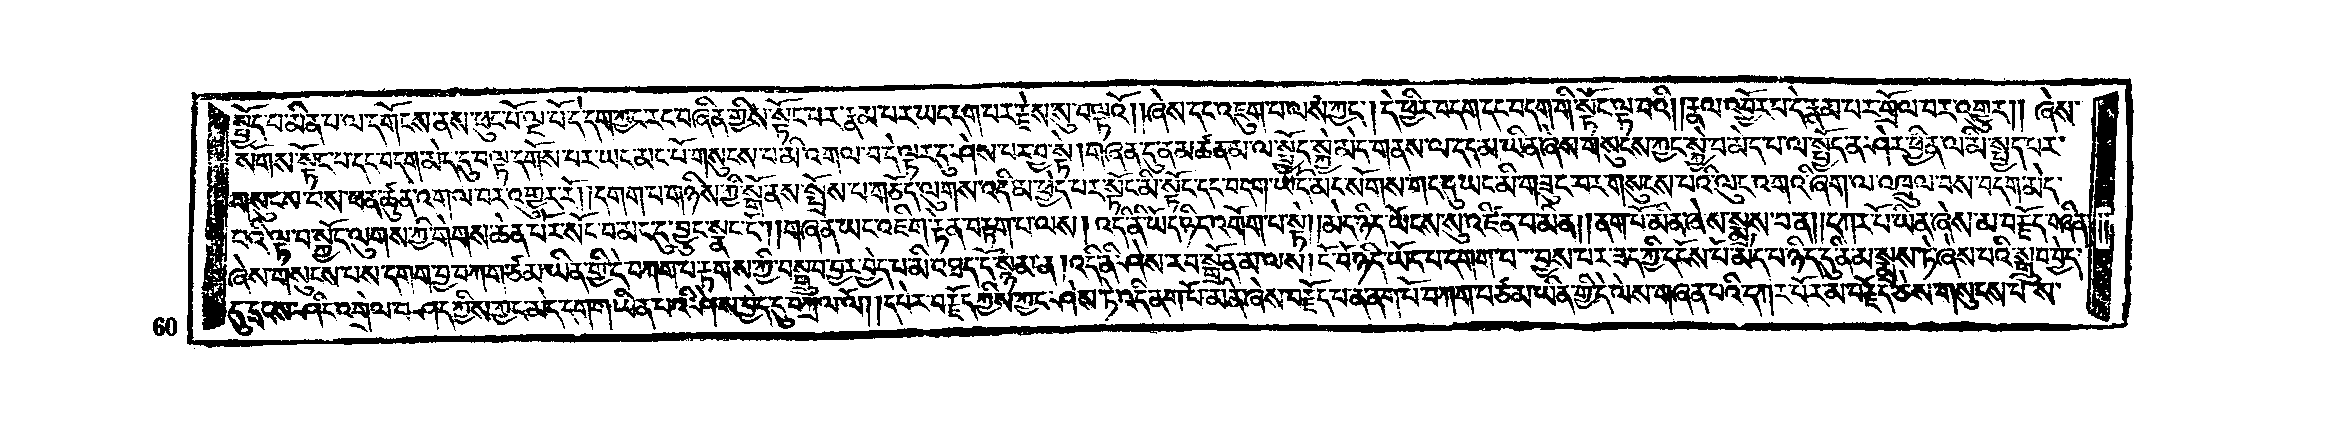སྤྱོད་པ་མིན་པ་ལ་དགོངས་ནས་ཕུང་པོ་ལྔ་པོ་དེ་དག་ཀྱང་རང་བཞིན་གྱིས་སྟོང་པར་རྣམ་པར་ཡང་དག་པར་རྗེས་སུ་བལྟའོ། །ཞེས་དང་འཇུག་པ་ལས་ཀྱང་། དེ་ཕྱིར་བདག་དང་བདག་གི་སྟོན་ལྟ་བའི། །རྣལ་འབྱོར་པ་དེ་རྣམ་པར་གྲོལ་བར་འགྱུར། །ཞེས་
སོགས་སྟོང་པ་དང་བདག་མེད་དུ་བལྟ་དགོས་པར་ཡང་མང་པོ་གསུངས་པ་མི་འགལ་བ་དེ་ལྟར་དུ་ཤེས་པར་བྱ་སྟེ། གཞན་དུ་ན་མཚན་མ་ལ་སྤྱོད་སྐྱེ་མེད་གནས་ལ་དད་མ་ཡིན་ཞེས་གསུངས་ཀྱང་སྐྱེ་བ་མེད་པ་ལ་སྤྱོད་ན་ཤེར་ཕྱིན་ལ་མི་སྦྱད་པར་
གསུངས་པས་ཕན་ཚུན་འགལ་བར་འགྱུར་རོ། །དགག་པ་གཉིས་ཀྱི་སྒོ་ནས་སྤྲོས་པ་གཅོད་ལུགས་འདི་མ་ཕྱེད་པར་སྟོང་མི་སྟོང་དང་བདག་ཡོད་མེད་སོགས་གང་དུ་ཡང་མི་གཟུང་བར་གསུངས་པའི་ལུང་འགའ་ཞིག་ལ་འཁྲུལ་བས་བདག་མེད་
པའི་ལྟ་བ་སྐྱོད་ལུགས་ཀྱི་གེགས་ཆེན་པོར་སོང་བ་མང་དུ་བྱུང་སྣང་ངོ། །གཞན་ཡང་འཇིག་རྟེན་བརྟག་པ་ལས། འདི་ནི་ཡོད་ཉིད་འགོག་པ་སྟེ། །མེད་ཉིད་ཡོངས་སུ་འཛིན་པ་མིན། །ནག་པོ་མིན་ཞེས་སྨྲས་པ་ན། །དཀར་པོ་ཡིན་ཞེས་མ་བརྗོད་བཞིན། །
ཞེས་གསུངས་པས་དགག་བྱ་བཀག་ཙམ་ཡིན་གྱི་དེ་བཀག་པ་རྟགས་ཀྱི་བསྒྲུབ་བྱར་བྱེད་པ་མི་འཐད་དོ་སྙམ་ན། འདི་ནི་ཤེས་རབ་སྒྲོན་མ་ལས། ངོ་བོ་ཉིད་ཡོད་པ་དགག་པ་བྱས་པར་ཟད་ཀྱི་དངོས་པོ་མེད་པ་ཉིད་དུ་ནི་མ་སྨྲས་ཏེ་ཞེས་པའི་སྒྲུབ་བྱེད་
དུ་དྲངས་ཤིང་འགྲེལ་བཤད་ཀྱིས་ཀྱང་མེད་དགག་ཡིན་པའི་ཤེས་བྱེད་དུ་བཀྲལ་ལོ། །དཔེར་བརྗོད་ཀྱིས་ཀྱང་ཤེས་ཏེ་འདི་ནག་པོ་མིན་ཞེས་བརྗོད་པ་ན་ནག་པོ་བཀག་པ་ཙམ་ཡིན་གྱི་དེ་ལས་གཞན་པའི་དཀར་པོར་མ་བརྗོད་ཅེས་གསུངས་པས་